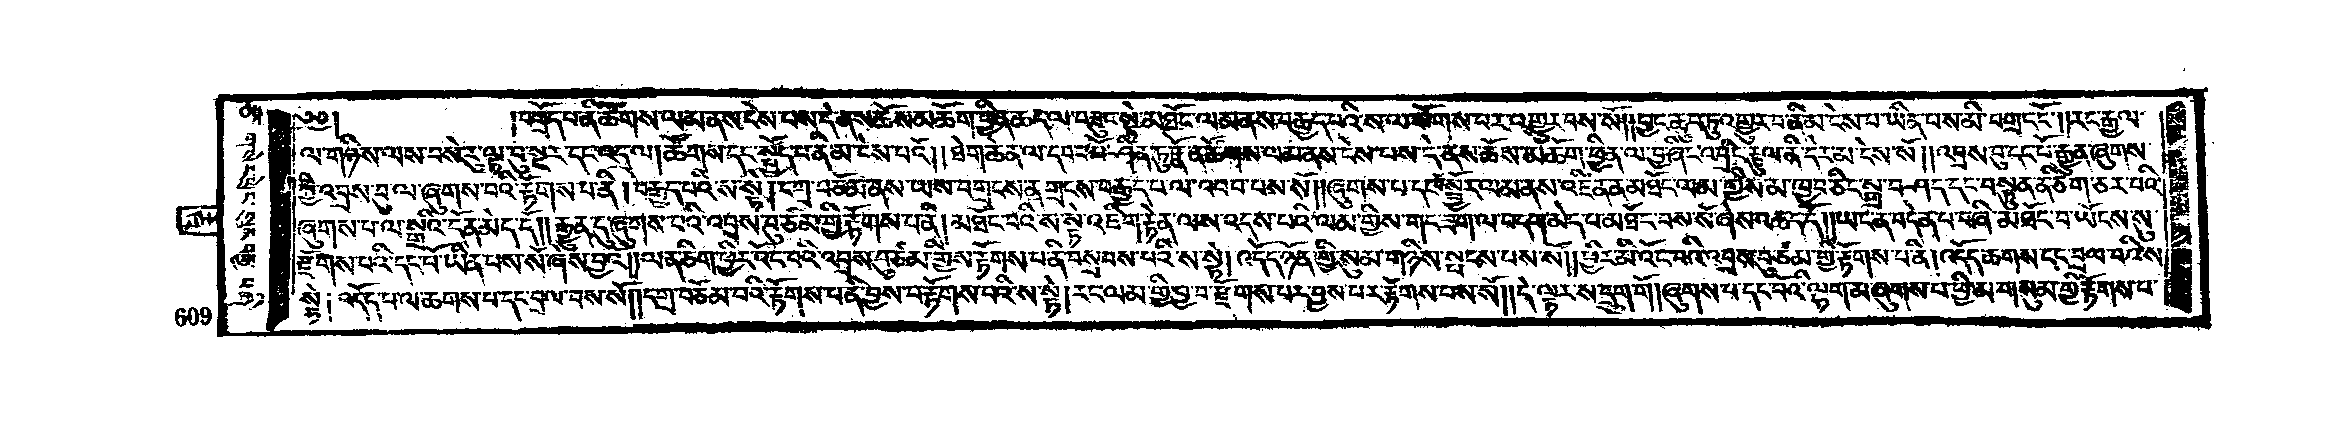༄༅། །བགྲོད་པ་ནི་ཚོགས་ལམ་ནས་ངེས་པས་དེ་ནས་ཆོས་མཆོག་ཕྱིན་ཆད་ལ་བཟུང་སྟེ་མཐོང་ལམ་ནས་བརྒྱད་པའི་ས་ལ་སོགས་པར་འགྱུར་བས་སོ། །བྱང་ཆུབ་ཏུ་འགྱུར་བ་ནི་མ་ངེས་པ་ཡིན་པས་མི་བགྲང་ངོ། །རང་རྒྱལ་
ལ་གཉིས་ལས་བསེ་རུ་ལྟ་བུ་སྔར་དང་འདྲ་ལ། ཚོགས་དང་སྤྱོད་པ་ནི་མ་ངེས་པའོ། །ཐེག་ཆེན་ལ་དབང་པོ་ཤིན་ཏུ་རྣོན་ཚོགས་ལམ་ནས་ངེས་པས་དེ་ནས་ཆོས་མཆོག་ཕྱིན་ལ་བྱ་ཞིང་འབྲིང་རྟུལ་ནི་དེར་མ་ངེས་སོ། །འབྲས་བུ་དང་པོ་རྒྱུན་ཞུགས་
ཀྱི་འབྲས་བུ་ལ་ཞུགས་པའི་རྟོགས་པ་ནི། བརྒྱད་པའི་ས་སྟེ། དགྲ་བཅོམ་ནས་ཡས་བགྲངས་ན་གྲངས་བརྒྱད་པ་ལ་འབབ་པས་སོ། །ཞུགས་པ་དང་པོ་སྦྱོར་ལམ་ནས་འཛིན་ན་མཐོང་ལམ་གྱིས་མ་ཁྱབ་ཅིང་སྒྲ་བཤད་དང་བསྟུན་ན་ཅིག་ཅར་བའི་
ཞུགས་པ་ལ་སྒྲའི་དོན་མེད་དོ། །རྒྱུན་དུ་ཞུགས་པའི་འབྲས་བུ་ཙམ་གྱི་རྟོགས་པ་ནི། མཐོང་བའི་ས་སྟེ་འཇིག་རྟེན་ལས་འདས་པའི་ལམ་གྱིས་གང་ཟག་ལ་བདག་མེད་པ་མཐོང་བས་སོ་ཞེས་འཆད་དོ། །ཡང་ན་བདེན་པ་བཞི་མཐོང་བ་ཡོངས་སུ་
རྫོགས་པའི་དང་པོ་ཡིན་པས་སོ་ཞེས་བྱའོ། །ལན་ཅིག་ཕྱིར་འོང་བའི་འབྲས་བུ་ཙམ་གྱིས་རྟོགས་པ་ནི་བསྲབས་པའི་ས་སྟེ། འདོད་ཉོན་གྱི་སུམ་གཉིས་སྤངས་པས་སོ། །ཕྱིར་མི་འོང་བའི་འབྲས་བུ་ཙམ་གྱི་རྟོགས་པ་ནི། འདོད་ཆགས་དང་བྲལ་བའི་ས་
སྟེ། འདོད་པ་ལ་ཆགས་པ་དང་བྲལ་བས་སོ། །དགྲ་བཅོམ་པའི་རྟོགས་པ་ནི་བྱས་པ་རྟོགས་པའི་ས་སྟེ། རང་ལམ་གྱི་བྱ་བ་རྫོགས་པར་བྱས་པར་རྟོགས་པས་སོ། །དེ་ལྟར་ས་དྲུག་གོ །ཞུགས་པ་དང་པོའི་ལྷག་མ་ཞུགས་པ་ཕྱི་མ་གསུམ་གྱི་རྟོགས་པ་